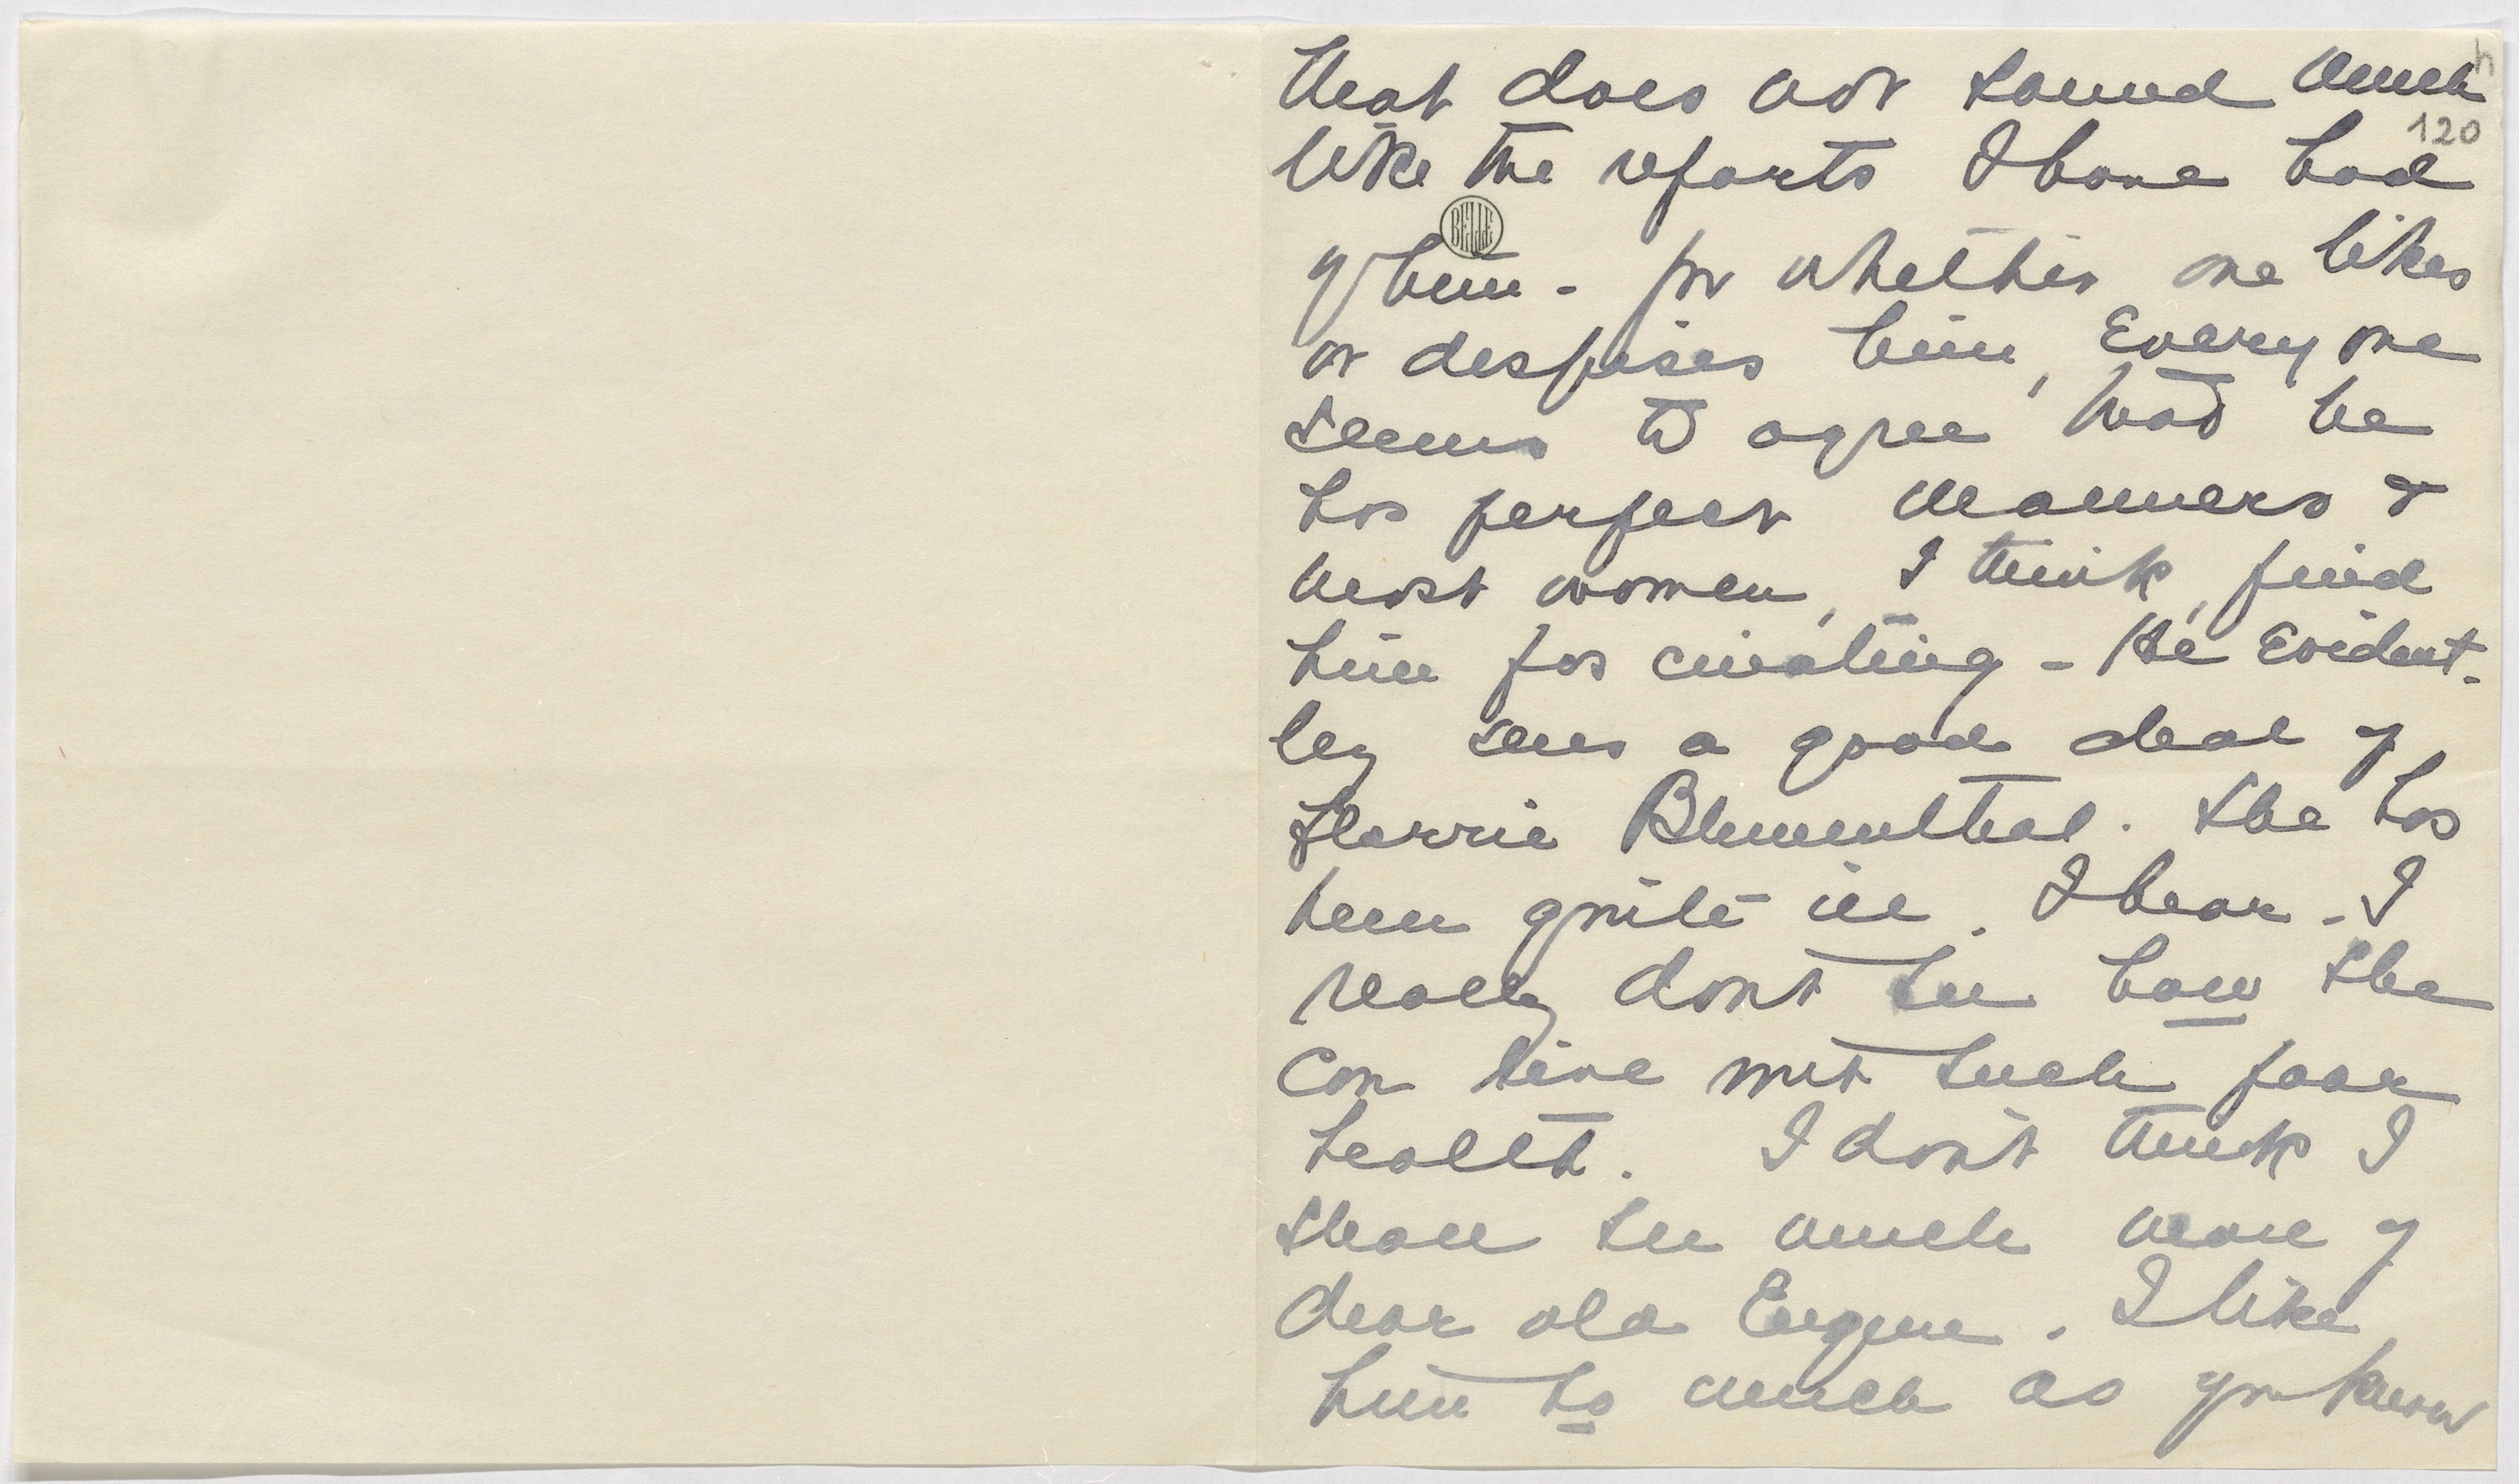That does not sound much like the reports I have had of them – for whether one likes or despises him, everyone seems to agree that he has perfect manners & most women, I think, find him fascinating – He evidentley [sic] sees a good deal of Florrie Blumenthal. She has been quite ill I hear – I really don’t see how she can live with such poor health. I don’t think I shall see much more of dear old Eugene. I like him so much as you know